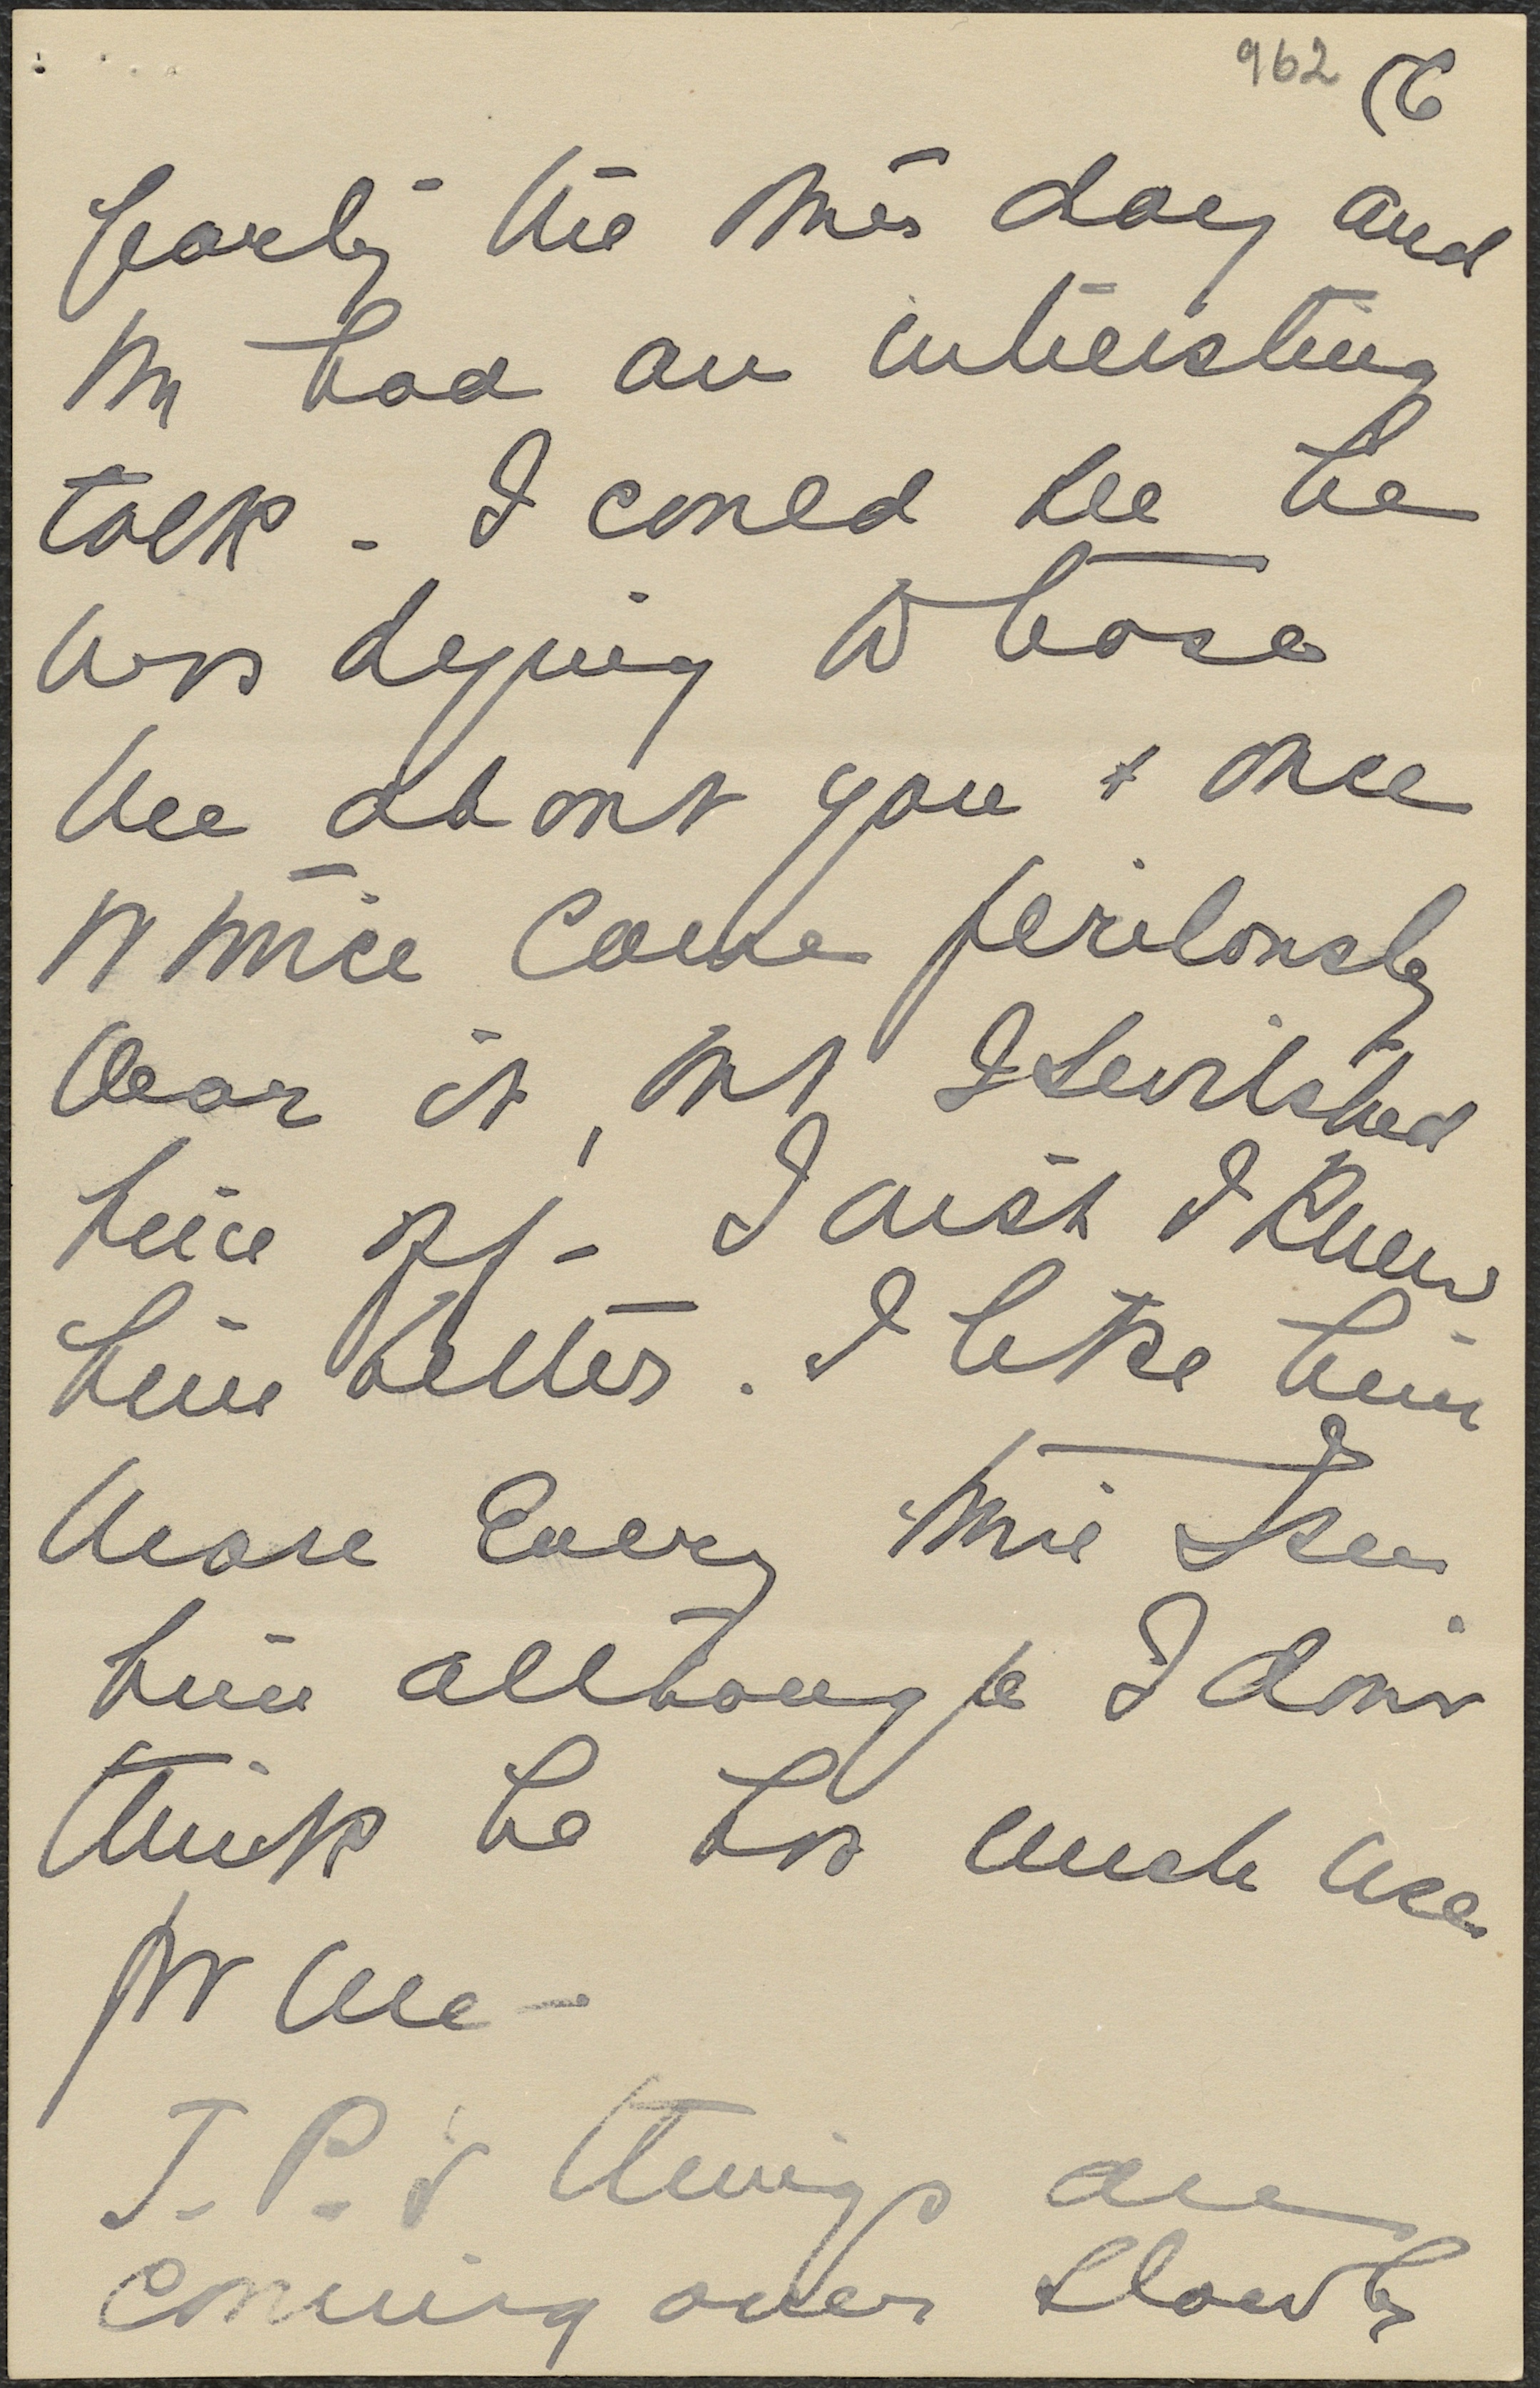party the other day and we had an interesting talk – I could see he was dying to tease me about you & once or twice came perilously near it, but I switched him off – I wish I knew him better. I like him more every time I see him although I don’t think he has much use for me –
J. P.’s things are coming over slowly